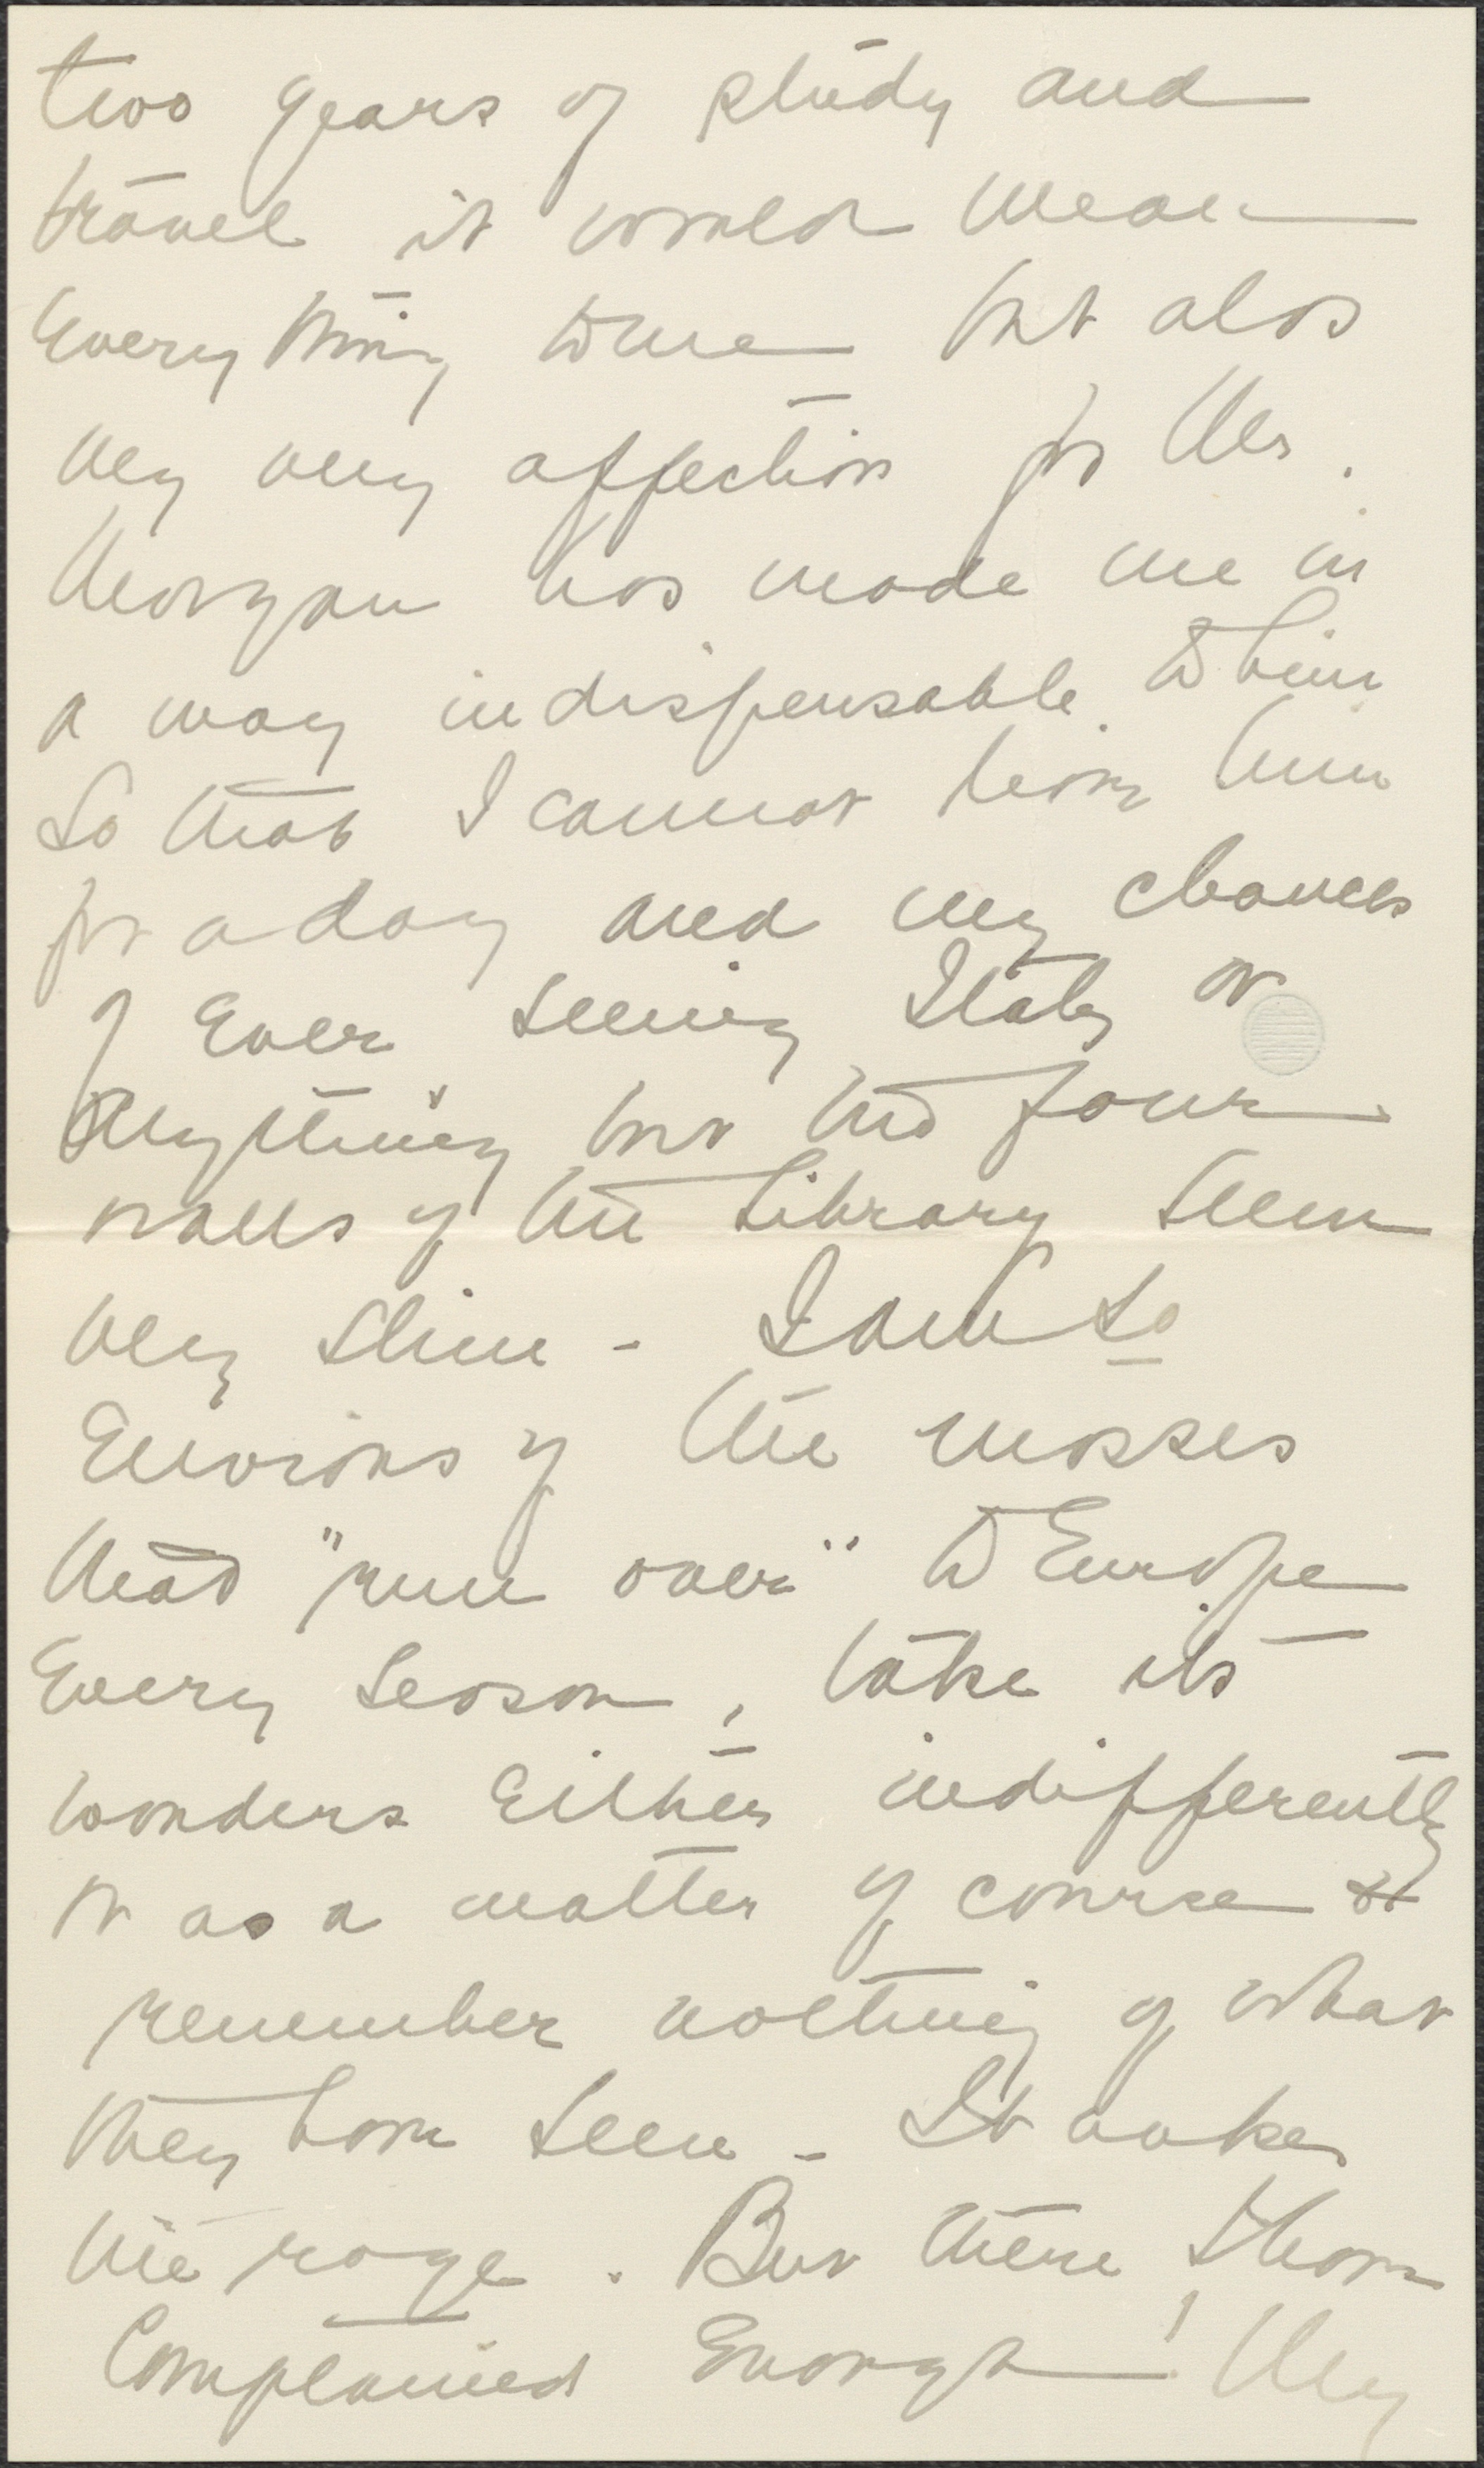two years of study and travel it would mean everything to me but alas my very affection for Mr. Morgan has made me in a way indispensable to him so that I cannot leave him for a day and my chances of ever seeing Italy or anything but the four walls of the Library seem very slim – I am so envious of the masses that “run over” to Europe every season, take its wonders either indifferently or as a matter of course & remember nothing of what they have seen – It makes me rage. But there I have complained enough! My